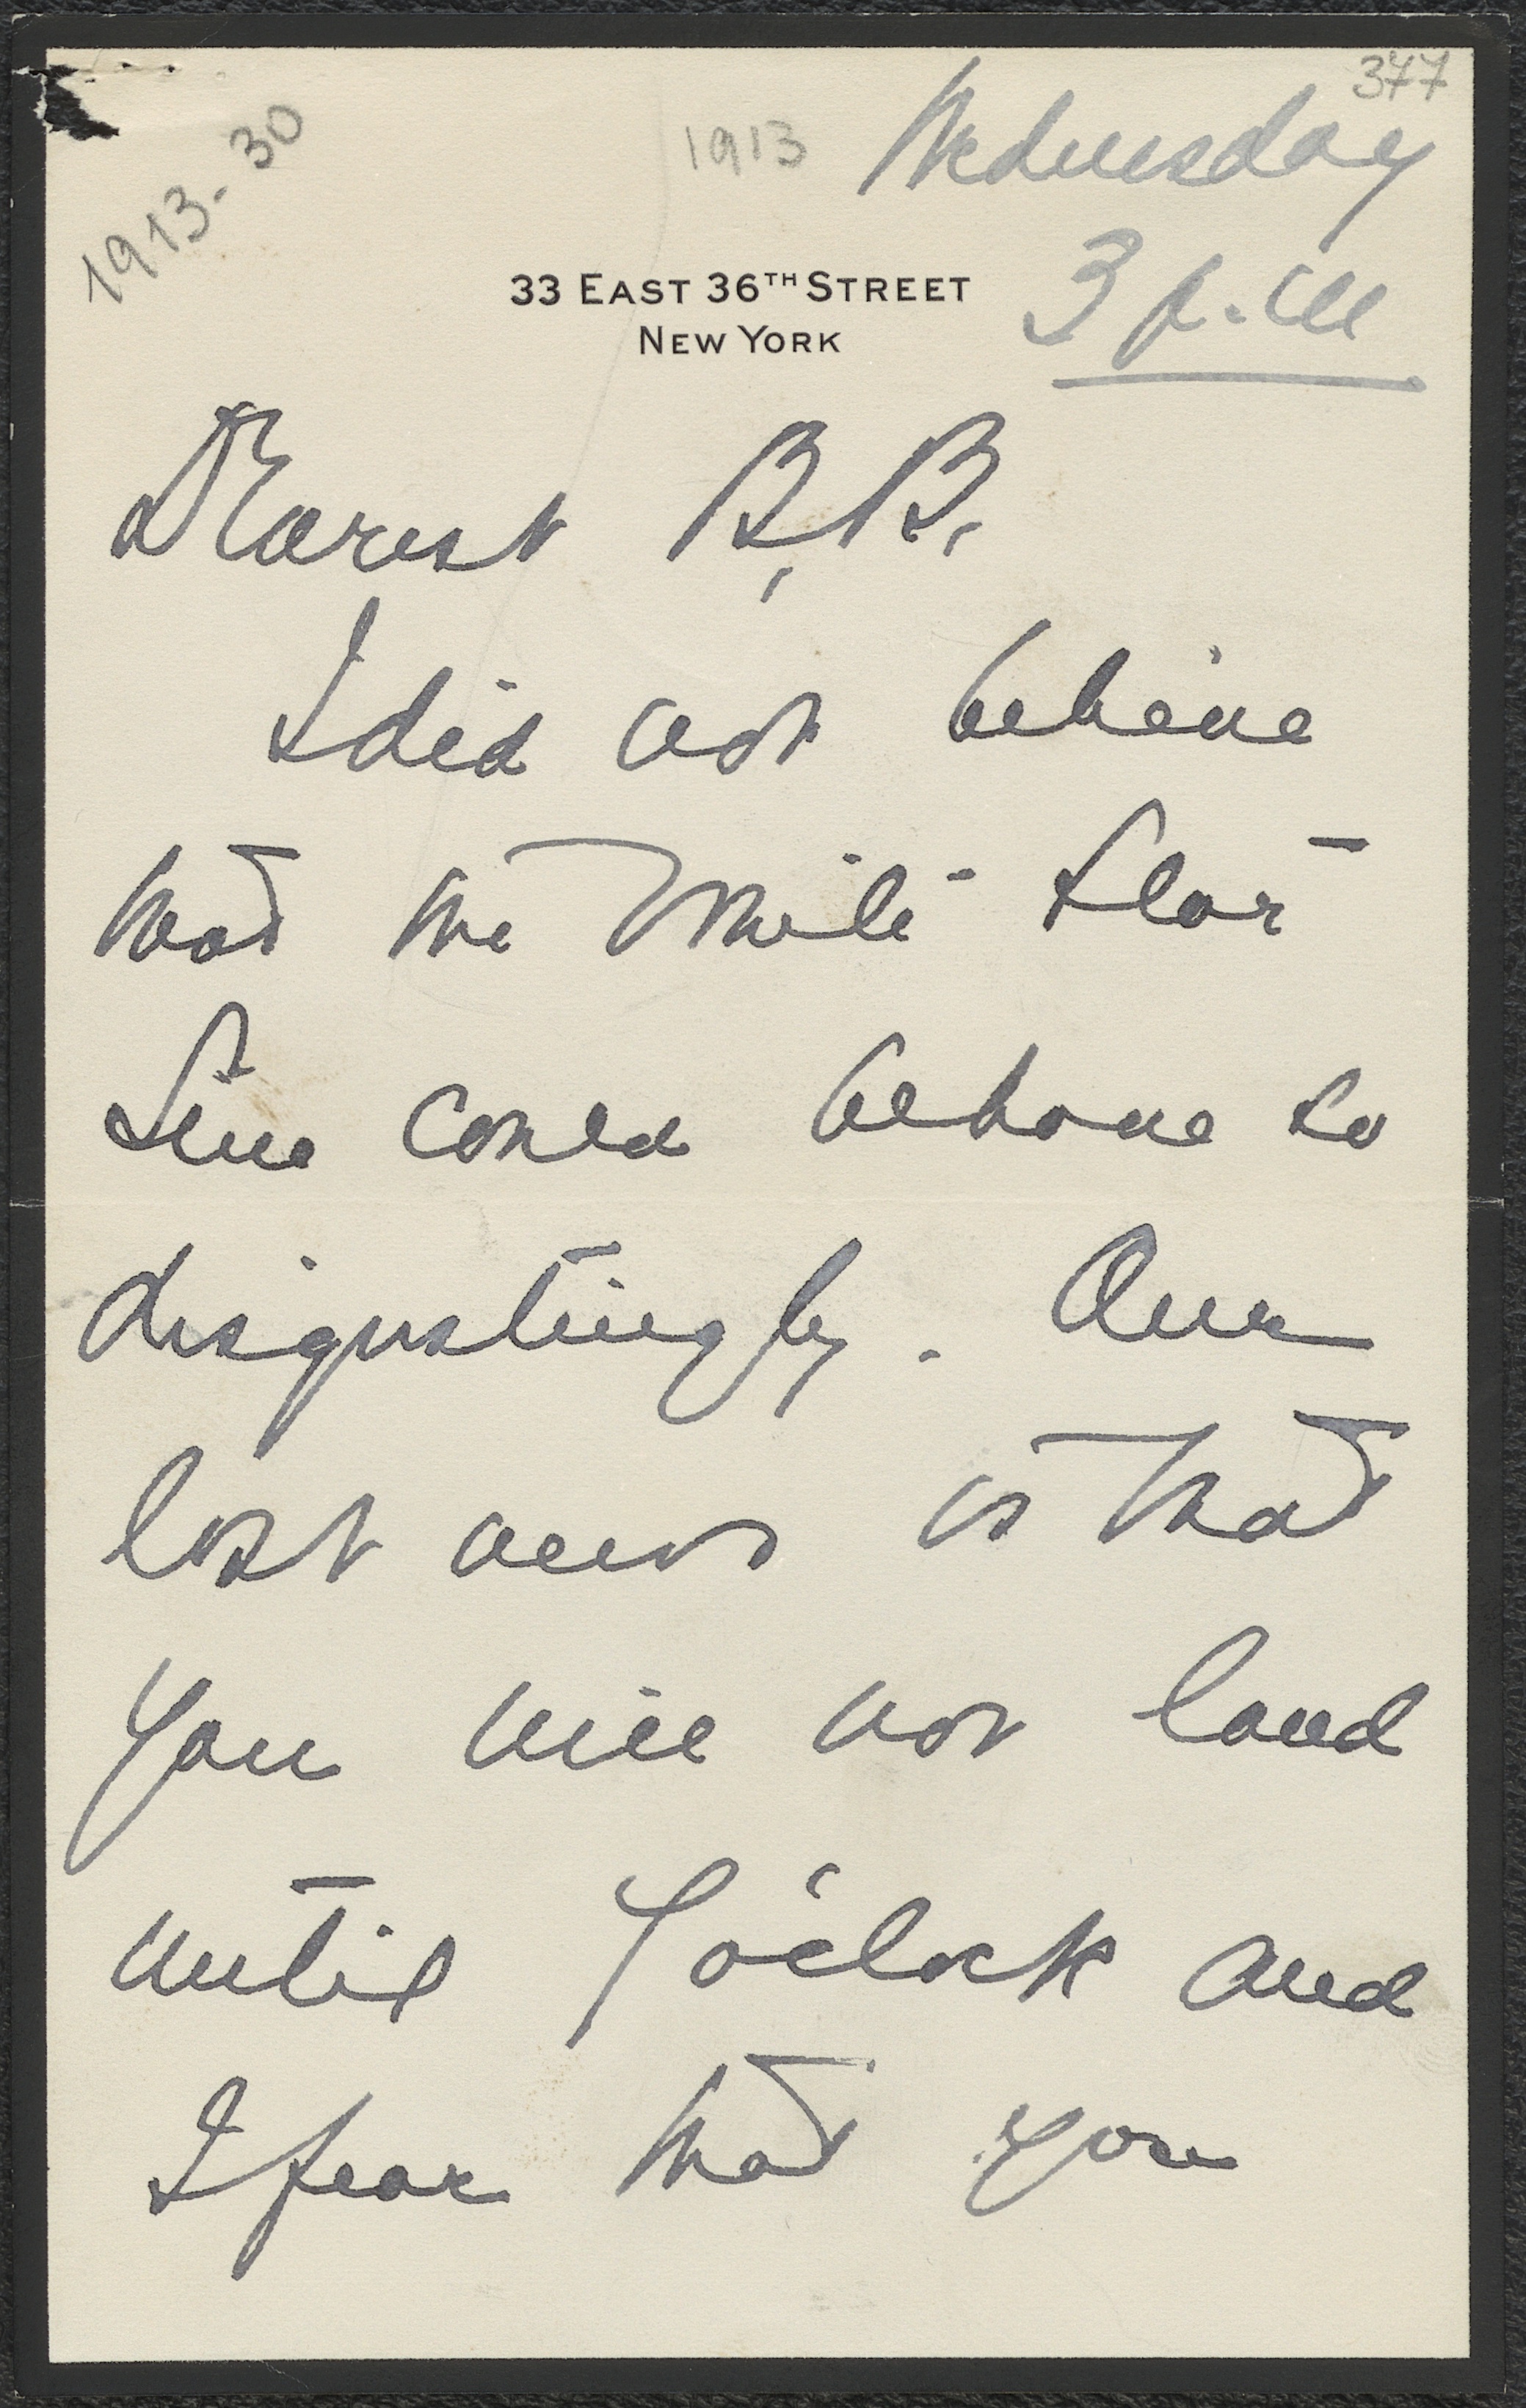Wednesday
3 p.m.
Dearest B. B.
I did not believe that the White Star Sun could behave so disgustingly. Our last news is that you will not land until 7 o’clock and I fear that you